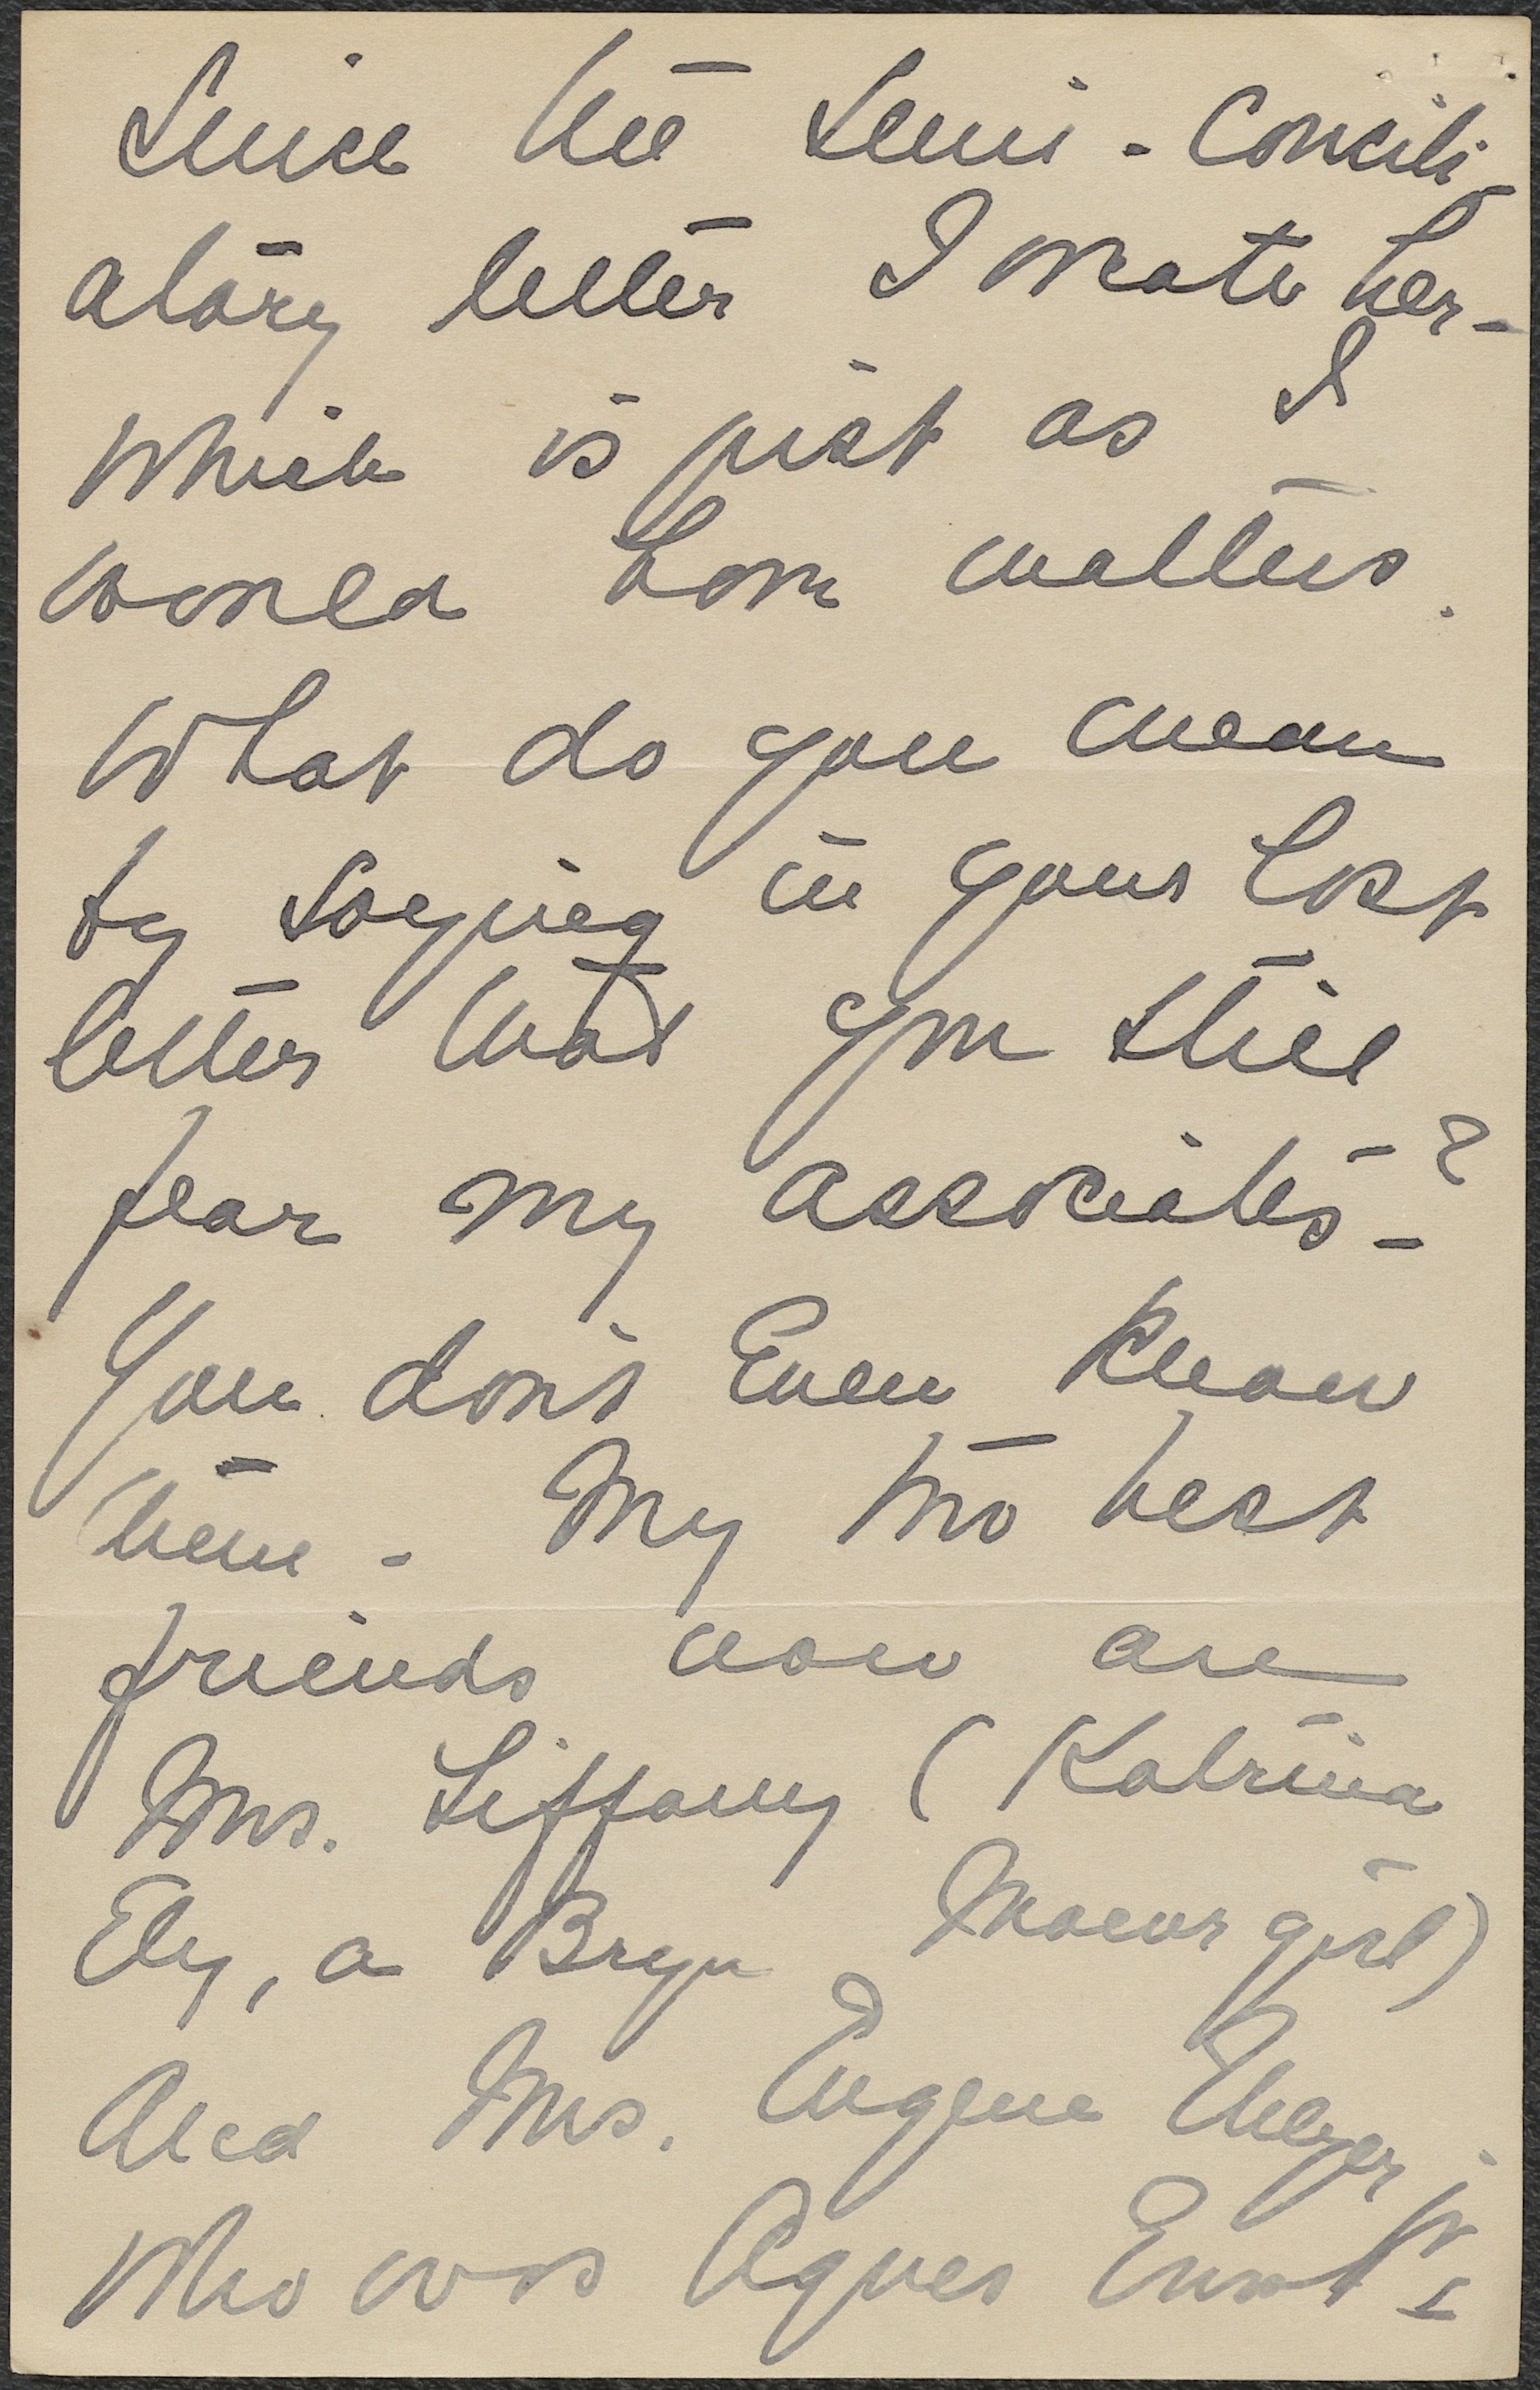since the semi-conciliatory letter I wrote her – which is just as I would have matters. What do you mean by saying in your last letter that you still fear my associates? You don’t even know them – My two best friends now are Mrs. Tiffany (Katrina Ely, a Bryn Mawr girl) and Mrs. Eugene Meyer – who was Agnes Ernst –